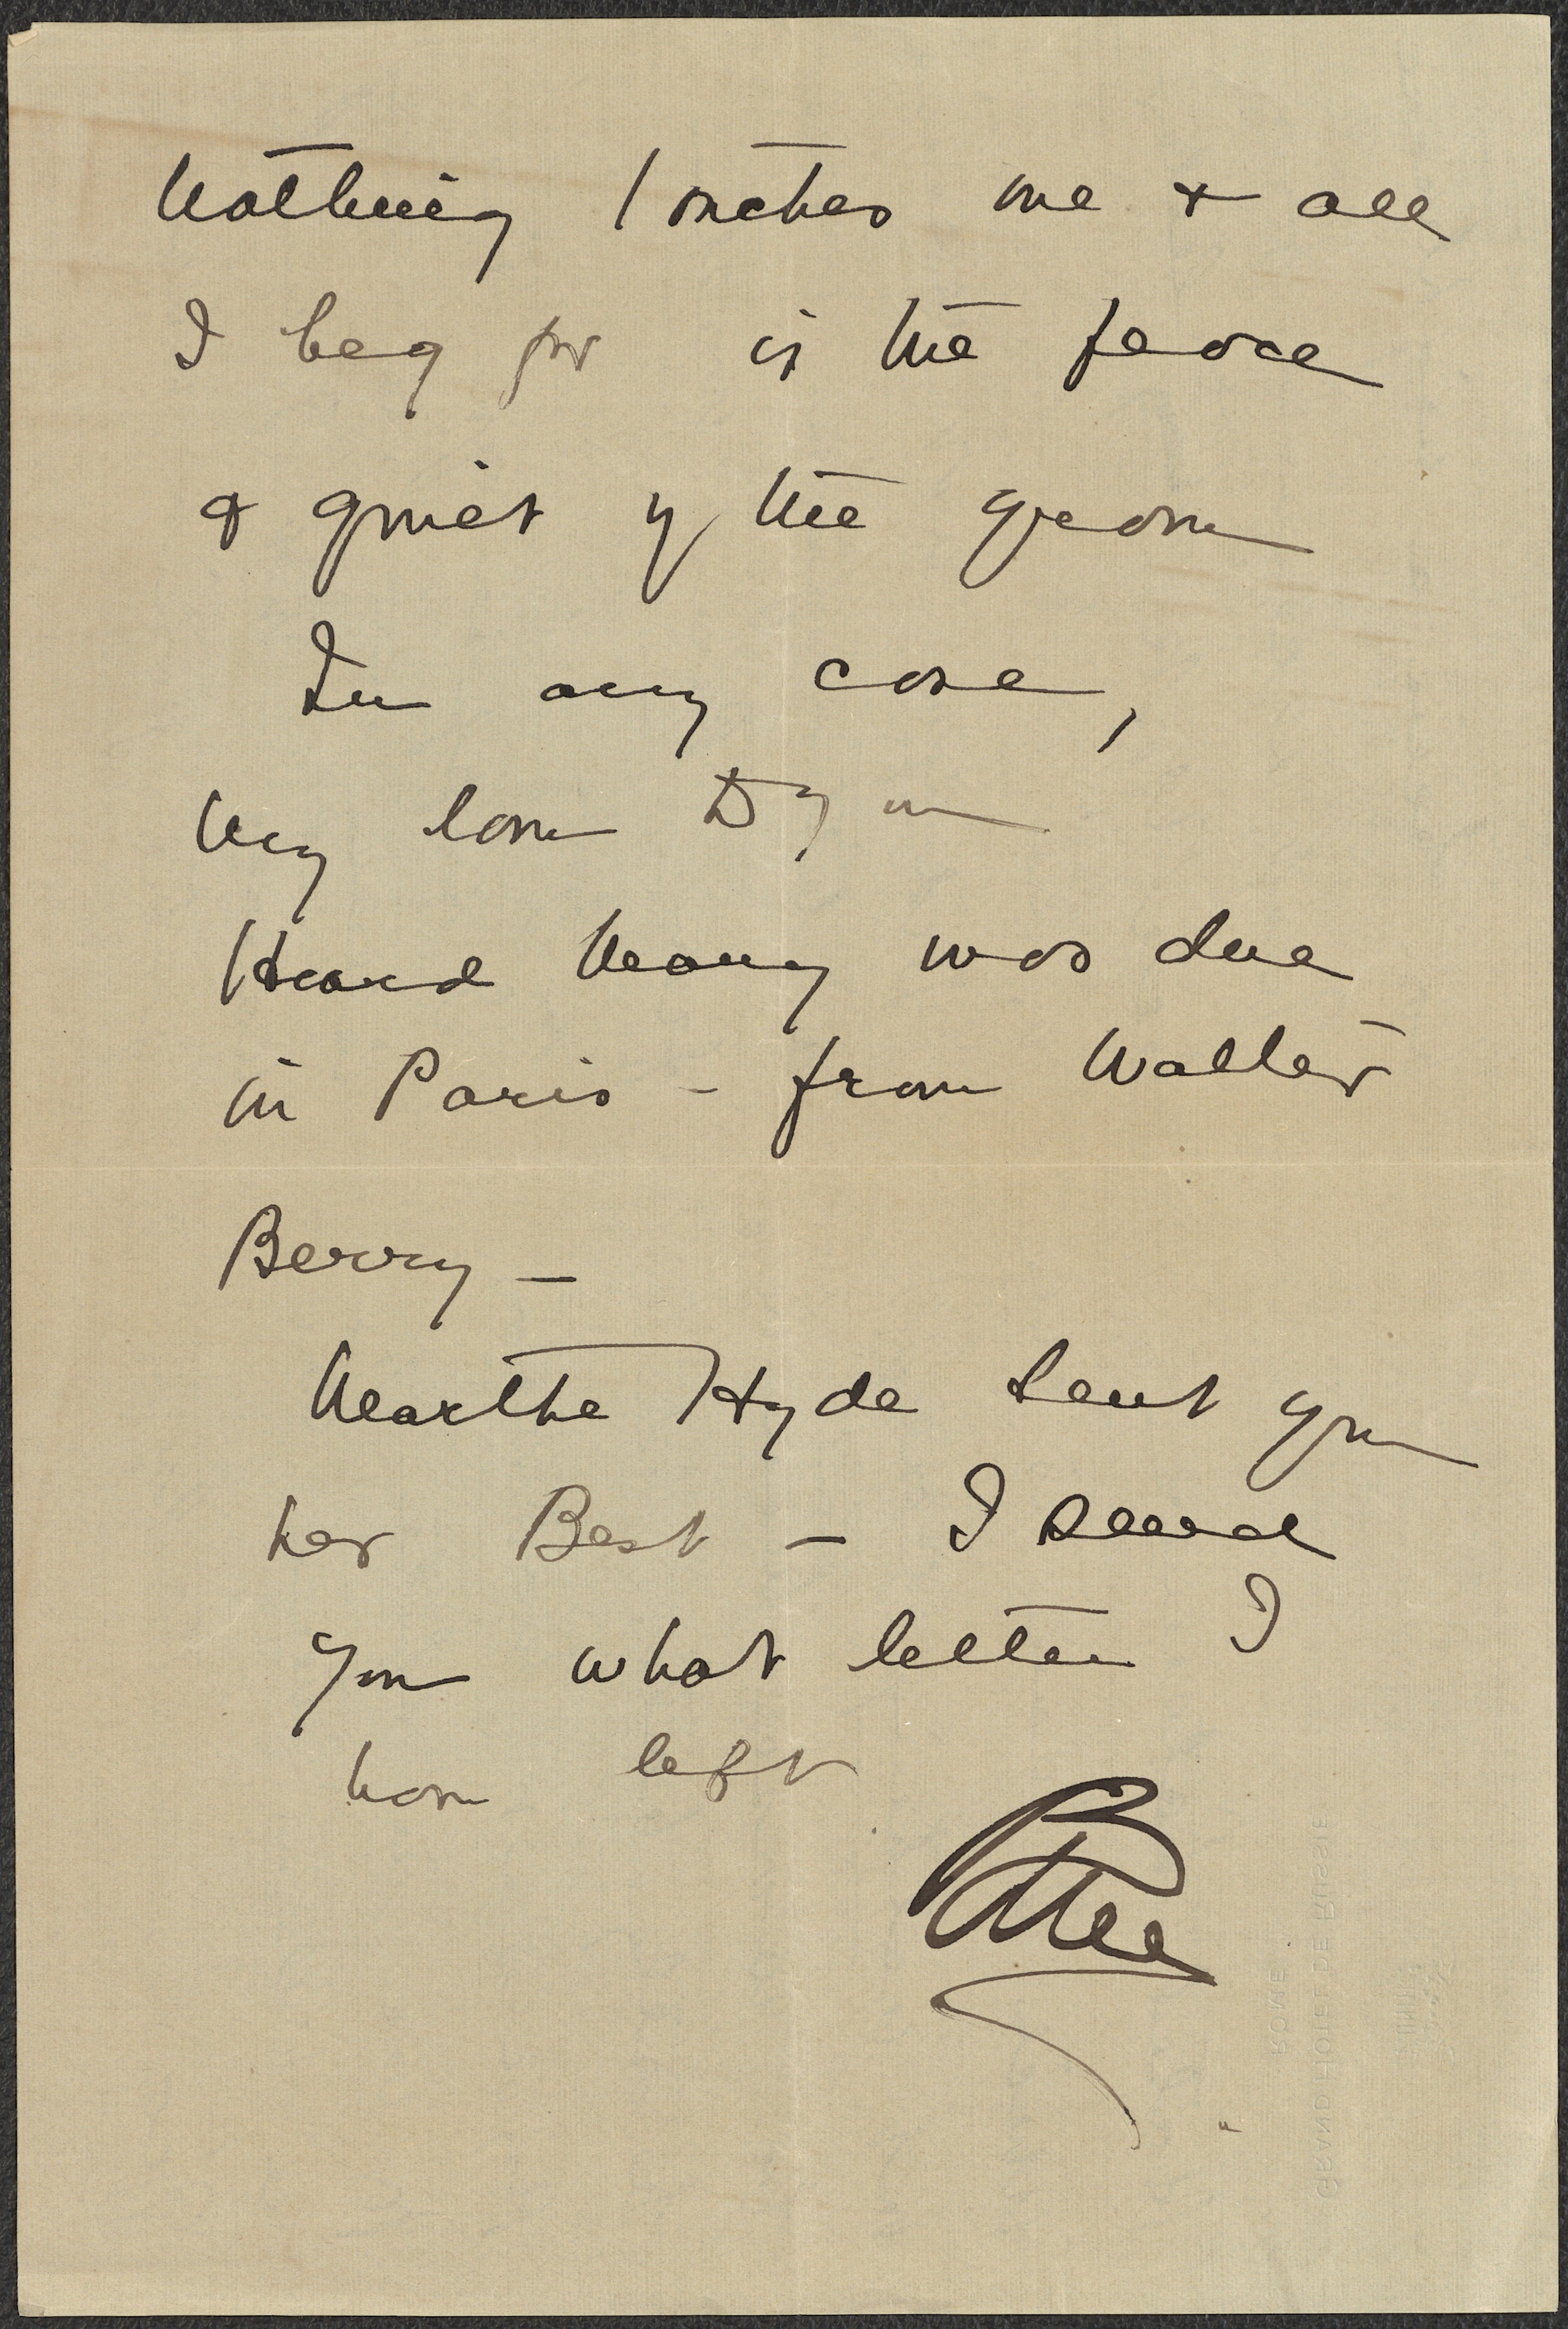nothing touches me & all I beg for is the peace & quiet of the grave
In any case, my love to you
Heard Mary was due in Paris – from Walter Berry –
Martha Hyde sent you her Best – I send you what letter I have left
Belle